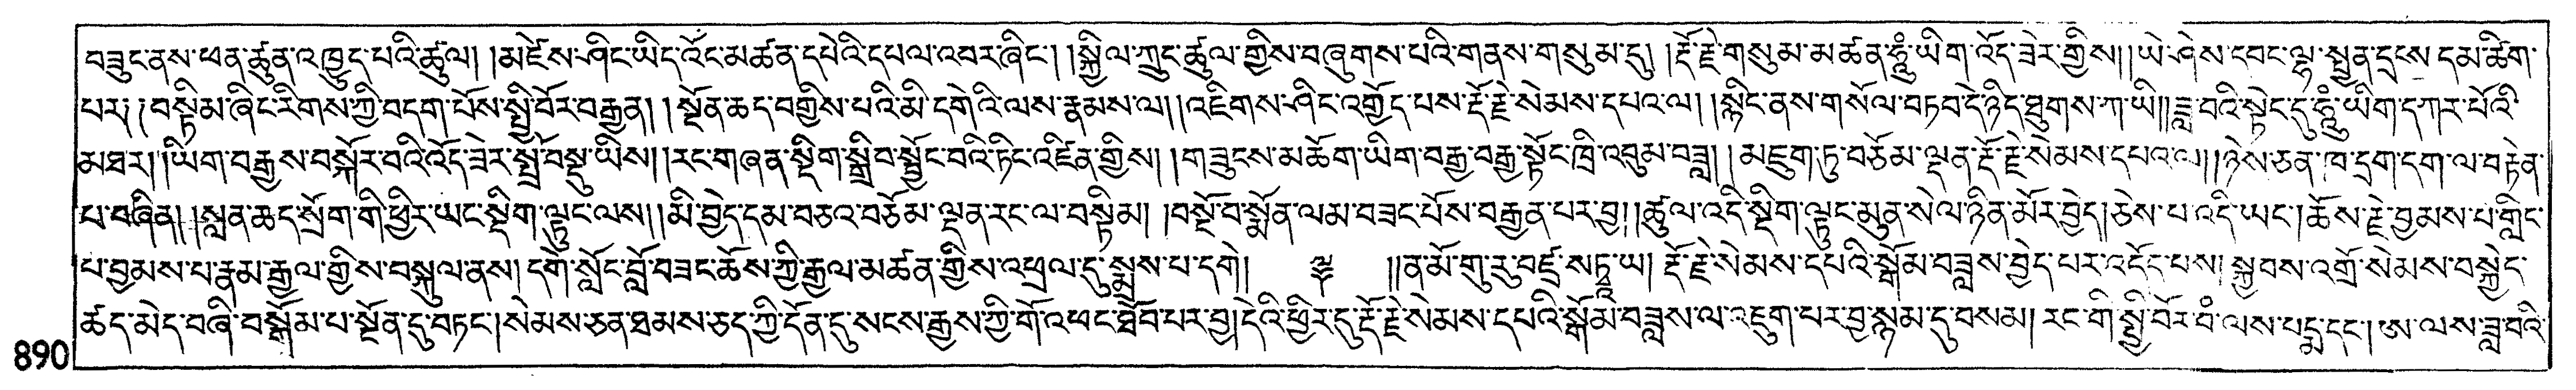བཟུང་ནས་ཕན་ཚུན་འཁྱུད་པའི་ཚུལ། །མཛེས་ཤིང་ཡིད་འོང་མཚན་དཔེའི་དཔལ་འབར་ཞིང་། །སྐྱིལ་ཀྲུང་ཚུལ་གྱིས་བཞུགས་པའི་གནས་གསུམ་དུ། །རྡོ་རྗེ་གསུམ་མཚན་ཧཱུཾ་ཡིག་འོད་ཟེར་གྱིས། །ཡེ་ཤེས་དབང་ལྷ་སྤྱན་དྲངས་དམ་ཚིག་
པར། །བསྟིམ་ཞིང་རིགས་ཀྱི་བདག་པོས་སྤྱི་བོར་བརྒྱན། །སྔོན་ཆད་བགྱིས་པའི་མི་དགེའི་ལས་རྣམས་ལ། །འཇིགས་ཤིང་འགྱོད་པས་རྡོ་རྗེ་སེམས་དཔའ་ལ། །སྙིང་ནས་གསོལ་བཏབ་དེ་ཉིད་ཐུགས་ཀ་ཡི། །ཟླ་བའི་སྟེང་དུ་ཧཱུཾ་ཡིག་དཀར་པོའི་
མཐར། །ཡིག་བརྒྱས་བསྐོར་བའི་འོད་ཟེར་སྤྲོ་བསྡུ་ཡིས། །རང་གཞན་སྡིག་སྒྲིབ་སྦྱོང་བའི་ཏིང་འཛིན་གྱིས། །གཟུངས་མཆོག་ཡིག་བརྒྱ་བརྒྱ་སྟོང་ཁྲི་འབུམ་བཟླ། །མཇུག་ཏུ་བཅོམ་ལྡན་རྡོ་རྗེ་སེམས་དཔའ་ལ། །ཉེས་ཅན་ཁ་དྲག་དག་ལ་བརྟེན་
པ་བཞིན། །སླན་ཆད་སྲོག་གི་ཕྱིར་ཡང་སྡིག་ལྟུང་ལས། །མི་བྱེད་དམ་བཅའ་བཅོམ་ལྡན་རང་ལ་བསྟིམ། །བསྔོ་བ་སྨོན་ལམ་བཟང་པོས་བརྒྱན་པར་བྱ། །ཚུལ་འདི་སྡིག་ལྟུང་མུན་སེལ་ཉིན་མོར་བྱེད། ཅེས་པ་འདི་ཡང་། ཆོས་རྗེ་བྱམས་པ་གླིང་
པ་བྱམས་པ་རྣམ་རྒྱལ་གྱིས་བསྐུལ་ནས། དགེ་སློང་བློ་བཟང་ཆོས་ཀྱི་རྒྱལ་མཚན་གྱིས་འཕྲལ་དུ་སྨྲས་པ་དགེ། ༈ །།ན་མོ་གུ་གུ་བཛྲ་སཏྭཱ་ཡ། རྡོ་རྗེ་སེམས་དཔའི་སྒོམ་བཟླས་བྱེད་པར་འདོད་པས། སྐྱབས་འགྲོ་སེམས་བསྐྱེད་
ཚད་མེད་བཞི་བསྒོམ་པ་སྔོན་དུ་བཏང་། སེམས་ཅན་ཐམས་ཅད་ཀྱི་དོན་དུ་སངས་རྒྱས་ཀྱི་གོ་འཕང་ཐོབ་པར་བྱ། དེའི་ཕྱིར་དུ་རྡོ་རྗེ་སེམས་དཔའི་སྒོམ་བཟླས་ལ་འཇུག་པར་བྱ་སྙམ་དུ་བསམ། རང་གི་སྤྱི་བོར་བཾ་ལས་པདམ་དང་། ཨ་ལས་ཟླ་བའི་